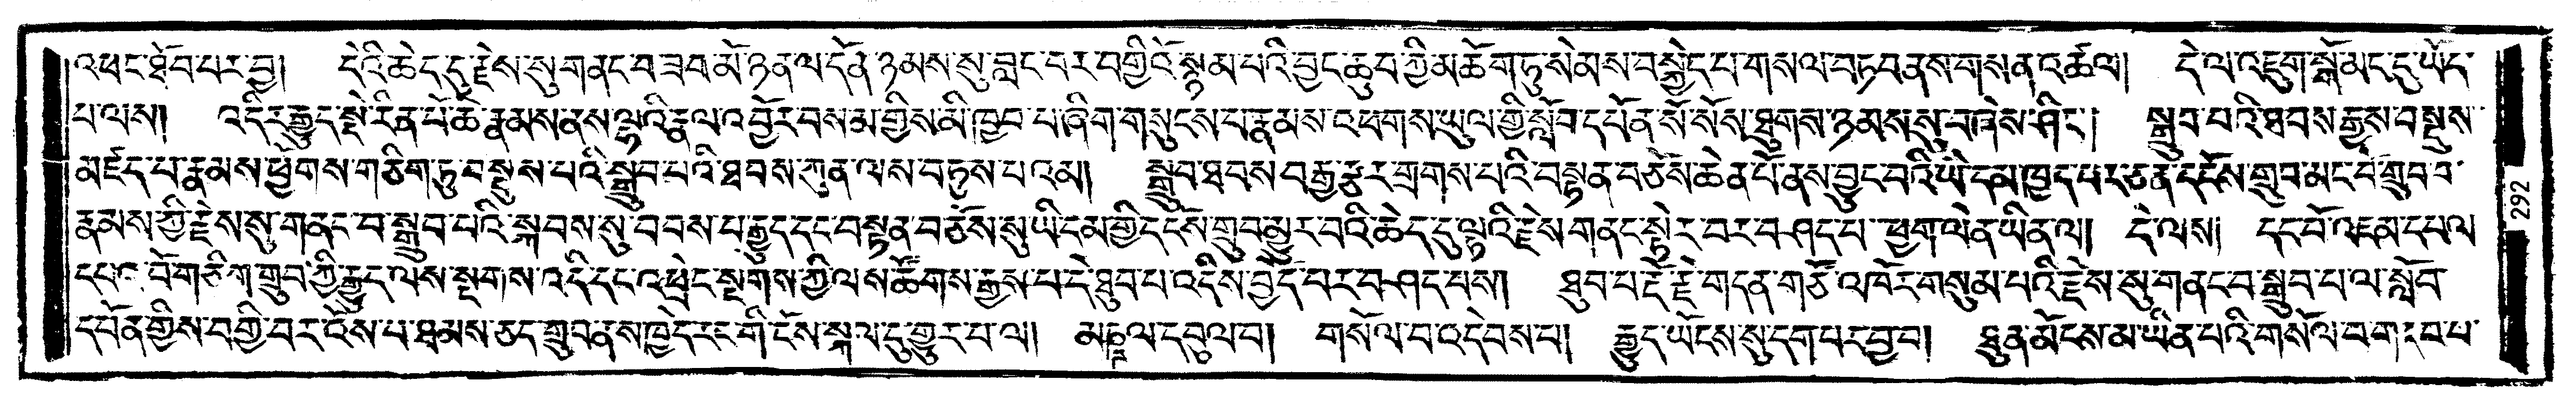འཕང་ཐོབ་པར་བྱ། དེའི་ཆེད་དུ་རྗེས་སུ་གནང་བ་ཟབ་མོ་ཉན་ལ་དོན་ཉམས་སུ་བླང་བར་བགྱིའོ་སྙམ་པའི་བྱང་ཆུབ་ཀྱི་མཆོག་ཏུ་སེམས་བསྐྱེད་པ་གསལ་བཏབ་ནས་གསན་འཚལ། དེ་ལ་འཇུག་སྒོ་མང་དུ་ཡོད་
པ་ལས། འདིར་རྒྱུད་སྡེ་རིན་པོ་ཆེ་རྣམས་ནས་ལྷའི་རྣལ་འབྱོར་བསམ་གྱིས་མི་ཁྱབ་པ་ཞིག་གསུངས་པ་རྣམས་འཕགས་ཡུལ་གྱི་སློབ་དཔོན་སོ་སོས་ཐུགས་ཉམས་སུ་བཞེས་ཤིང་། སྒྲུབ་པའི་ཐབས་རྒྱས་བསྡུས་
མཛད་པ་རྣམས་ཕྱོགས་གཅིག་ཏུ་བསྡུས་པའི་སྒྲུབ་པའི་ཐབས་ཀུན་ལས་བཏུས་པའམ། སྒྲུབ་ཐབས་བརྒྱ་རྩར་གྲགས་པའི་བསྟན་བཅོས་ཆེན་པོ་ནས་བྱུང་བའི་ཡི་དམ་ཁྱད་པར་ཅན་དངོས་གྲུབ་མང་པོ་གྲུབ་པ་
རྣམས་ཀྱི་རྗེས་སུ་གནང་བ་སྒྲུབ་པའི་སྐབས་སུ་བབས་པ་རྒྱུད་དང་བསྟན་བཅོས་སུ་ཡི་དམ་གྱི་དངོས་གྲུབ་མྱུར་བའི་ཆེད་དུ་ལྷའི་རྗེས་གནང་སྟེར་བར་བཤད་པ་ཕྱག་ལེན་ཡིན་ལ། དེ་ལས། དང་པོ་འཇམ་དཔལ་
དཔའ་བོ་གཅིག་གྲུབ་ཀྱི་རྒྱུད་ལས་སྔགས་འདི་དང་འཕྲེང་སྔགས་ཀྱི་ལས་ཚོགས་རྒྱས་པ་དེ་ཐུབ་པ་འདིས་བྱེད་པར་བཤད་པས། ཐུབ་པ་རྡོ་རྗེ་གདན་གཙོ་འཁོར་གསུམ་པའི་རྗེས་སུ་གནང་བ་སྒྲུབ་པ་ལ་སློབ་
དཔོན་གྱིས་བགྱི་བར་འོས་པ་ཐམས་ཅད་གྲུབ་ནས་ཁྱེད་རང་གི་ངོས་སྐལ་དུ་གྱུར་པ་ལ། མཎྜལ་དབུལ་བ། གསོལ་བ་འདེབས་པ། རྒྱུད་ཡོངས་སུ་དག་པར་བྱ་བ། ཐུན་མོངས་མ་ཡིན་པའི་གསོལ་བ་གདབ་པ་